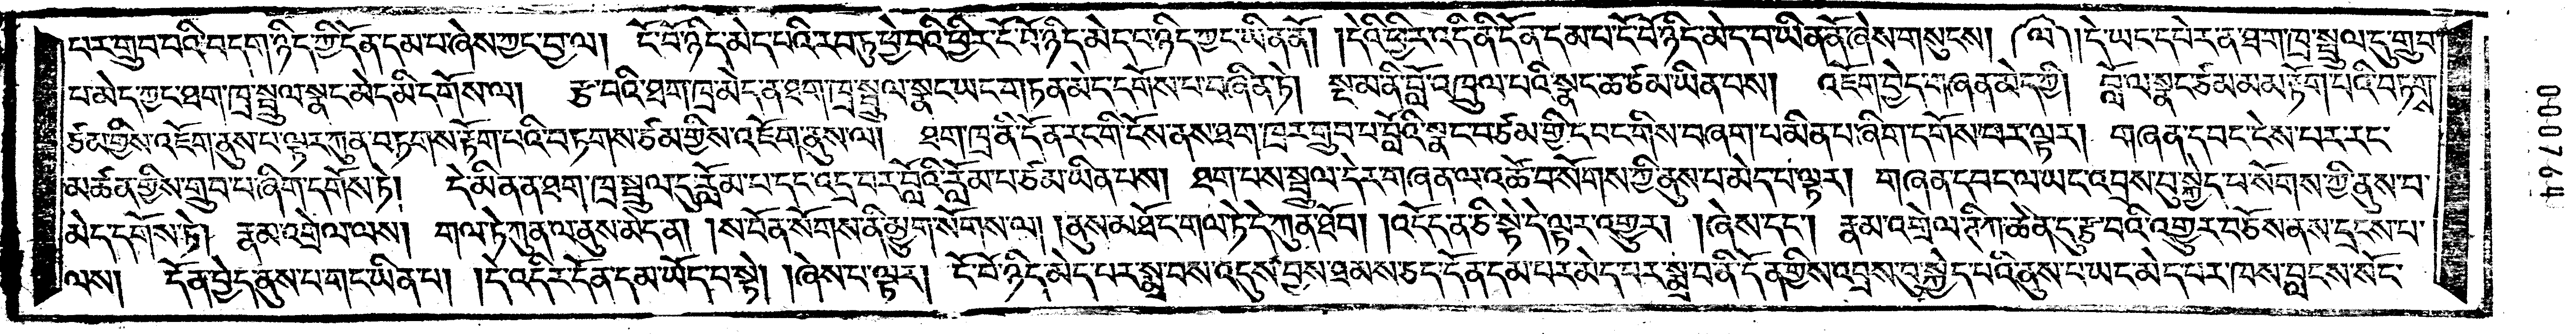པར་གྲུབ་པའི་བདག་ཉིད་ཀྱི་དོན་དམ་པ་ཞེས་ཀྱང་བྱ་ལ། ངོ་བོ་ཉིད་མེད་པའི་རབ་ཏུ་ཕྱེ་བའི་ཕྱིར་ངོ་བོ་ཉིད་མེད་པ་ཉིད་ཀྱང་ཡིན་ནོ། །དེའི་ཕྱིར་འདི་ནི་དོན་དམ་པ་ངོ་བོ་ཉིད་མེད་པ་ཡིན་ནོ་ཞེས་གསུངས། ༼ལ༽ །དེ་ཡང་དཔེར་ན་ཐག་ཁྲ་སྦྲུལ་དུ་གྲུབ་
པ་མེད་ཀྱང་ཐག་ཁྲ་སྦྲུལ་སྣང་མེད་མི་དགོས་ལ། རྩ་བའི་ཐག་ཁྲ་མེད་ན་ཐག་ཁྲ་སྦྲུལ་སྣང་ཡང་གཏན་མེད་དགོས་པ་བཞིན་ཏེ། སྔ་མ་ནི་བློ་འཁྲུལ་བའི་སྣང་ཆ་ཙམ་ཡིན་པས། འཇོག་བྱེད་གཞན་མེད་ཀྱི། བློ་ལ་སྣང་ཙམ་མམ་རྟོག་པའི་བཏགས་
ཙམ་གྱིས་འཇོག་ནུས་པ་ལྟར་ཀུན་བཏགས་རྟོག་པའི་བཏགས་ཙམ་གྱིས་འཇོག་ནུས་ལ། ཐག་ཁྲ་ནི་དོན་རང་གི་ངོས་ནས་ཐག་ཁྲར་གྲུབ་པ་བློའི་སྣང་བ་ཙམ་གྱི་དབང་གིས་བཞག་པ་མིན་པ་ཞིག་དགོས་པར་ལྟར། གཞན་དབང་ངེས་པར་རང་
མཚན་གྱིས་གྲུབ་པ་ཞིག་དགོས་ཏེ། དེ་མིན་ན་ཐག་ཁྲ་སྦྲུལ་དུ་རློམ་པ་དང་འདྲ་བར་བློའི་རློམ་པ་ཙམ་ཡིན་པས། ཐག་པས་སྦྲུལ་དེར་གཞན་ལ་འཚོ་བ་སོགས་ཀྱི་ནུས་པ་མེད་པ་ལྟར། གཞན་དབང་ལ་ཡང་འབྲས་བུ་སྐྱེད་པ་སོགས་ཀྱི་ནུས་པ་
མེད་དགོས་ཏེ། རྣམ་འགྲེལ་ལས། གལ་ཏེ་ཀུན་ལ་ནུས་མེད་ན། །ས་བོན་སོགས་ནི་མྱུག་སོགས་ལ། །ནུས་མཐོང་གལ་ཏེ་དེ་ཀུན་ཐོབ། །འདོད་ན་ཅི་སྟེ་དེ་ལྟར་འགྱུར། །ཞེས་དང་། རྣམ་འགྲེལ་ཊིཀ་ཆེན་དུ་རྩ་བའི་འགྱུར་བཅོས་ནས་དྲངས་པ་
ལས། དོན་བྱེད་ནུས་པ་གང་ཡིན་པ། །དེ་འདིར་དོན་དམ་ཡོད་པ་སྟེ། །ཞེས་པ་ལྟར། ངོ་བོ་ཉིད་མེད་པར་སྨྲ་བས་འདུས་བྱས་ཐམས་ཅད་དོན་དམ་པར་མེད་པར་སྨྲ་བ་ནི་དོན་གྱིས་འབྲས་བུ་སྐྱེད་པའི་ནུས་པ་ཡང་མེད་པར་ཁས་བླངས་སོང་